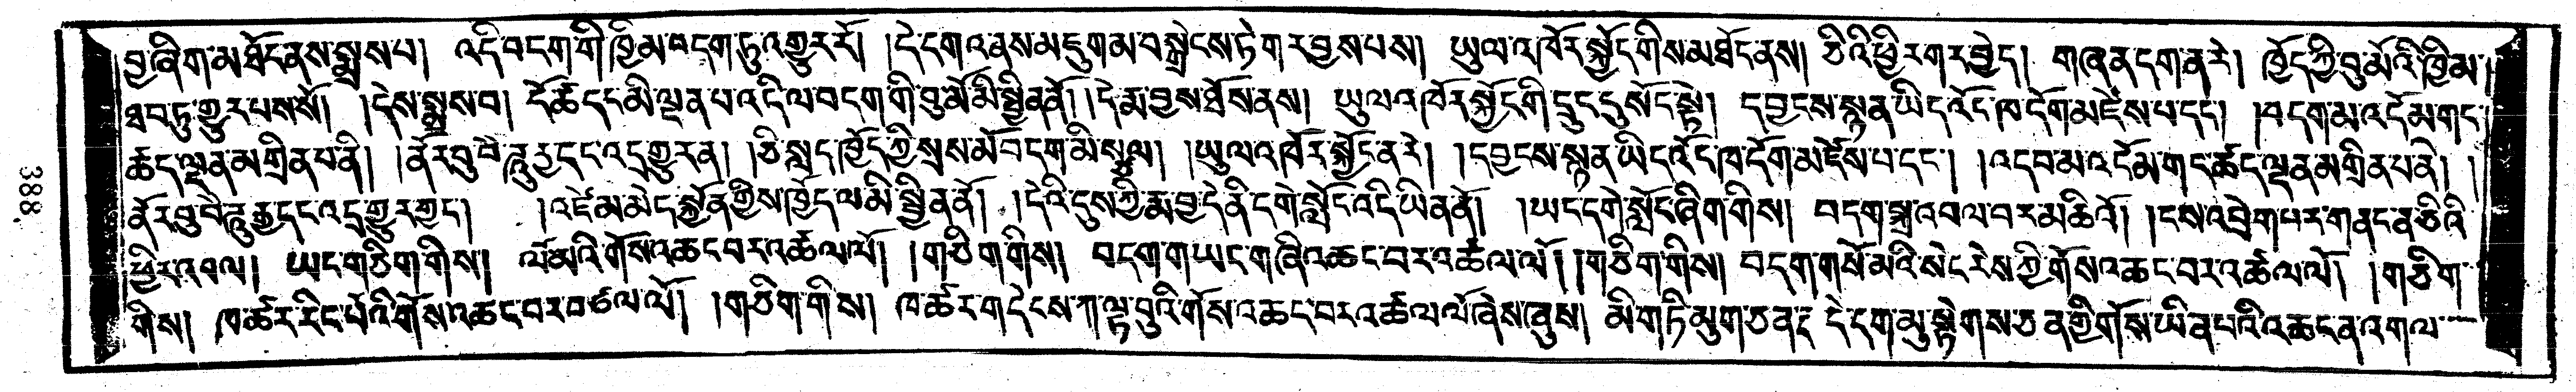བྱ་ཞིག་མཐོང་ནས་སྨྲས་པ། འདི་བདག་གི་ཁྱིམ་བདག་ཏུ་འགྱུར་རོ། །དེ་དགའ་ནས་མཇུག་མ་བསྒྲེངས་ཏེ་གར་བྱས་པས། ཡུལ་འཁོར་སྐྱོད་གིས་མཐོང་ནས། ཅིའི་ཕྱིར་གར་བྱེད། གཞན་དག་ན་རེ། ཁྱོད་ཀྱི་བུ་མོའི་ཁྱིམ།
ཐབ་ཏུ་གྱུར་པས་སོ། །དེས་སྨྲས་བ། དོ་ཚ་དང་མི་ལྡན་པ་འདི་ལ་བདག་གི་བུ་མོ་མི་སྦྱིན་ནོ། །དེ་རྨ་བྱས་ཐོས་ནས། ཡུལ་འཁོར་སྐྱོང་གི་དྲུང་དུ་སོང་སྟེ། དབྱངས་སྙན་ཡིད་འོང་ཁ་དོག་མཛེས་པ་དང་། །བདག་མ་འདོམ་གང་
ཚད་ལྡན་མགྲིན་པ་ནི། །ནོར་བུ་བཻ་ཌཱུརྱ་དང་འདྲ་གྱུར་ན། །ཅི་སླད་ཁྱོད་ཀྱི་སྲས་མོ་བདག་མི་སྩལ། །ཡུལ་འཁོར་སྐྱོང་ན་རེ། །དབྱངས་སྙན་ཡིད་འོང་ཁ་དོག་མཛེས་པ་དང་། །འདབ་མ་འདོམ་གད་ཚད་ལྡན་མགྲིན་པ་ནི། །
ནོར་བུ་བཻ་ཌཱུརྒྱ་དང་འདྲ་གྱུར་གྱང་། །འཛེམ་མེད་སྐྱོན་གྱིས་ཁྱོད་ལ་མི་སྦྱིན་ནོ། །དེའི་དུས་ཀྱི་རྨ་བྱ་དེ་ནི་དགེ་སློང་འདི་ཡིན་ནོ། །ཡང་དགེ་སློང་ཞིག་གིས། བདག་སྐྲ་འབལ་བར་མཆིའོ། །ངས་འབྲེག་པར་གནང་ན་ཅིའི་
ཕྱིར་འབལ། ཡང་གཅིག་གིས། ལོ་མའི་གོས་འཆང་བར་འཚལ་ལོ། །གཅིག་གིས། བདག་གཡང་གཞི་འཆང་བར་འཚལ་ལོ། །གཅིག་གིས། བདག་གསོ་མའི་སེང་རེས་ཀྱི་གོས་འཆང་བར་འཚལ་ལོ། །གཅིག་
གིས། ཁ་ཚར་རིང་པོའི་གོས་འཆང་བར་བཙལ་ལོ། །གཅིག་གིས། ཁ་ཚར་གདེངས་ཀ་ལྟ་བུའི་གོས་འཆང་བར་འཚལ་ལོ་ཞེས་ཞུས། མི་གཏི་མུག་ཅན༑ དེ་དག་མུ་སྟེགས་ཅན་གྱི་གོས་ཡིན་པའི་འཆང་ན་འགལ་